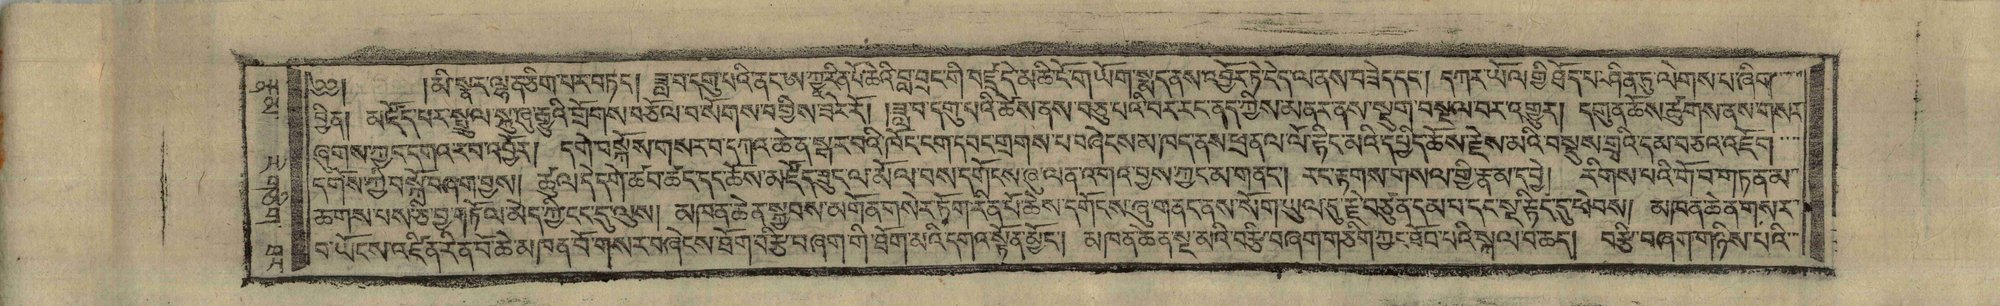༄༅། །མི་སྣར་ལྷན་ཅིག་པར་བཏང་། ཟླ་བ་དགུ་པའི་ནང་ཨ་ཀྱཱ་རིན་པོ་ཆེའི་བླ་བྲང་གི་བཛྲ་དེ་མཆི་ངོ་གཡོག་སྨད་ནས་འབྱོར་ཏེ་ངེད་ལ་ནས་བཟེད་དང་། དཀར་ཡོལ་གྱི་ཐོད་པ་ཤིན་ཏུ་ལེགས་པ་ཞིག་
བྱིན། མཛོད་པར་སྤྲུལ་སྐུ་ཞུ་རྒྱུའི་གྲོགས་བཅོལ་བ་སོགས་བགྱིས་ཟེར་རོ། །ཟླ་བ་དགུ་པའི་ཚེས་ནས་བཅུ་པའི་བར་རང་ནད་ཀྱིས་མནར་ནས་སྡུག་བསྔལ་བར་འགྱུར། དགུན་ཆོས་ཚུགས་ནས་གསར་
ཞུགས་ཀྱང་དགའ་རབ་འབྱོར། དགེ་བསྐོས་གསར་བ་དཀའ་ཆེན་སྒར་བའི་ཁོང་ངག་དབང་གྲགས་པ་བཞེངས་མ་ཁད་ནས་ཕྲན་ལ་ལོ་རྟིང་མའི་དཔྱིད་ཆོས་རྗེས་མའི་བསྡུས་གྲྭའི་དམ་བཅའ་འཇོག་
དགོས་ཀྱི་བསྐོ་བཞག་བྱས། ཚུལ་དེ་དགེ་ཚབ་ཚང་དང་ཆོས་མཛོད་ཟུང་ལ་མོལ་བས་དགོངས་ཞུ་ལན་འགའ་བྱས་ཀྱང་མ་གནང་། རང་རྟགས་གསལ་གྱི་རྣམ་དབྱེ། རིགས་པའི་གོ་བ་གཏན་མ་
ཆགས་པས་ཅི་བྱ་གཏོལ་མེད་ཀྱི་ངང་དུ་ལུས། མཁན་ཆེན་སྐྱབས་མགོན་གསེར་ཏོག་རིན་པོ་ཆེས་དགོངས་ཞུ་གནང་ནས་སོག་ཡུལ་དུ་རྗེ་བཙུན་དམ་པ་དང་སྔ་རྟིང་དུ་ཕེབས། མཁན་ཆེན་གསར་
བ་ཡོངས་འཛིན་རིན་པོ་ཆེ་མཁན་པོ་གསར་བཞེངས་ཐོག་བརྩི་བཞག་གི་ཐོག་མའི་དགའ་སྟོན་མྱོང་། མཁན་ཆེན་སྔ་མའི་བརྩི་བཞག་གཅིག་ཀྱང་ཐོབ་པའི་སྐལ་བ་ཆད། བརྩི་བཞག་གཉིས་པའི་